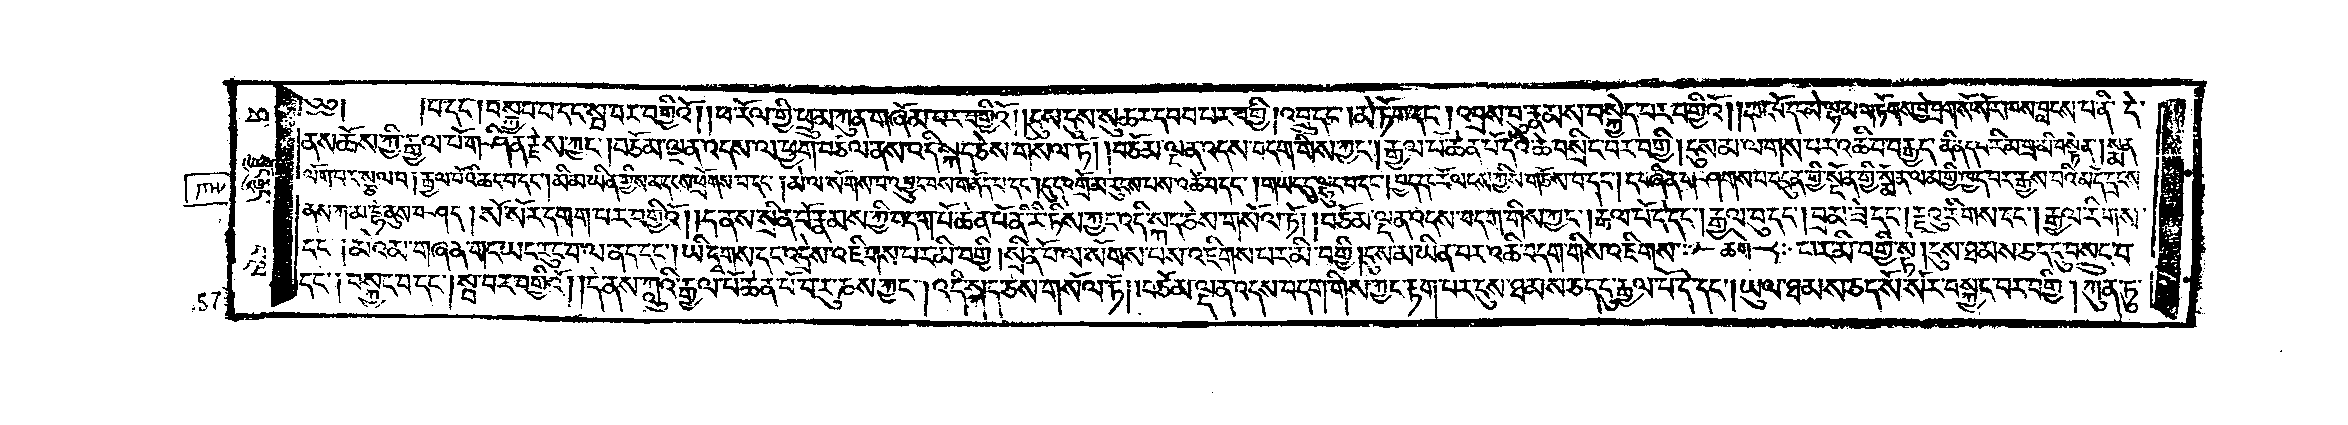༄༅། །བ་དང་། བསྐྱབ་པ་དང་སྤ་བར་བགྱིའོ། །ཕ་རོལ་གྱི་ཕྲུ་མ་ཀུན་གཞོམ་པར་བགྱིའོ། །དུས་དུས་སུ་ཆར་དབབ་པར་བགྱི། འབྲུ་དང་། མེ་ཏོག་དང་། འབྲས་བུ་རྣམས་བསྐྱེད་པར་བགྱིའོ། །དབང་པོ་དང་མེ་ལྷ་མ་གཏོགས་བྱེ་བྲག་སོ་སོར་ཁས་བླངས་པ་ནི་དེ་
ནས་ཆོས་ཀྱི་རྒྱལ་པོ་གཤིན་རྗེས་ཀྱང་། བཅོམ་ལྡན་འདས་ལ་ཕྱག་བཙལ་ནས་འདི་སྐད་ཅེས་གསོལ་ཏོ། །བཅོམ་ལྡན་འདས་བདག་གིས་ཀྱང་། རྒྱལ་པོ་ཆེན་པོ་དེའི་ཚེ་བསྲིང་བར་བགྱི། དུས་མ་ལགས་པར་འཆི་བ་བརྒྱད་ནི་ནད་པ་རིམ་གྲོ་མི་བསྟེན། སྨིན་
ལོག་པར་སྩལ་བ། རྒྱལ་པོའི་ཆད་པ་དང་། མི་མ་ཡིན་གྱིས་མདངས་ཕྲོགས་པ་དང་། མེ་ལ་སོགས་པ་འབྱུང་བས་གནོད་པ་དང་། དུད་འགྲོ་མ་རུངས་པས་འཚེ་བ་དང་། གཡང་དུ་ལྷུང་བ་དང་། བྱད་དང་རོ་ལངས་ཀྱིས་གཅོས་བ་དང་། དེ་བཞིན་གཤེགས་པ་བདུན་གྱི་སྔོན་གྱི་སྨོན་ལམ་གྱི་ཁྱད་པར་རྒྱས་པའི་མདོ་དྲངས་
ནས་ཀ་མ་དྷེ་ནུས་བཤད། སོ་སོར་དགག་པར་བགྱིའོ། །དེ་ནས་སྲིན་པོ་རྣམས་ཀྱི་བདག་པོ་ཆེན་པོ་ནི་རི་ཏིས་ཀྱང་འདི་སྐད་ཅེས་གསོལ་ཏོ། །བཅོམ་ལྡན་འདས་བདག་གིས་ཀྱང་། རྒྱལ་པོ་དེ་དང་། རྒྱལ་བུ་དང་། བྲམ་ཟེ་དང་། རྗེའུ་རིགས་དང་། རྒྱལ་རིགས་
དང་། མིའམ་གཞན་གང་ཡང་རུང་བ་ལ་ནད་དང་། ཡི་དྭགས་དང་འདྲེས་འཇིགས་པར་མི་བགྱི། སྲིན་པོ་ལ་སོགས་པས་འཇིགས་པར་མི་བགྱི། དུས་མ་ཡིན་པར་འཆི་བདག་གིས་འཇིགས་H.་ཆག་.H པར་མི་བགྱི་སྟེ། དུས་ཐམས་ཅད་དུ་བསྲུང་བ་
དང་། བསྐྱང་བ་དང་། སྦ་བར་བགྱིའོ། །དེ་ནས་ཀླུའི་རྒྱལ་པོ་ཆེན་པོ་བ་རུ་ཎས་ཀྱང་། འདི་སྐད་ཅེས་གསོལ་ཏོ། །བཅོམ་ལྡན་འདས་བདག་གིས་ཀྱང་རྟག་པར་དུས་ཐམས་ཅད་དུ་རྒྱལ་པོ་དེ་དང་། ཡུལ་ཐམས་ཅད་སོ་སོར་བསྐྱང་བར་བགྱི། ཀུན་ཏུ་